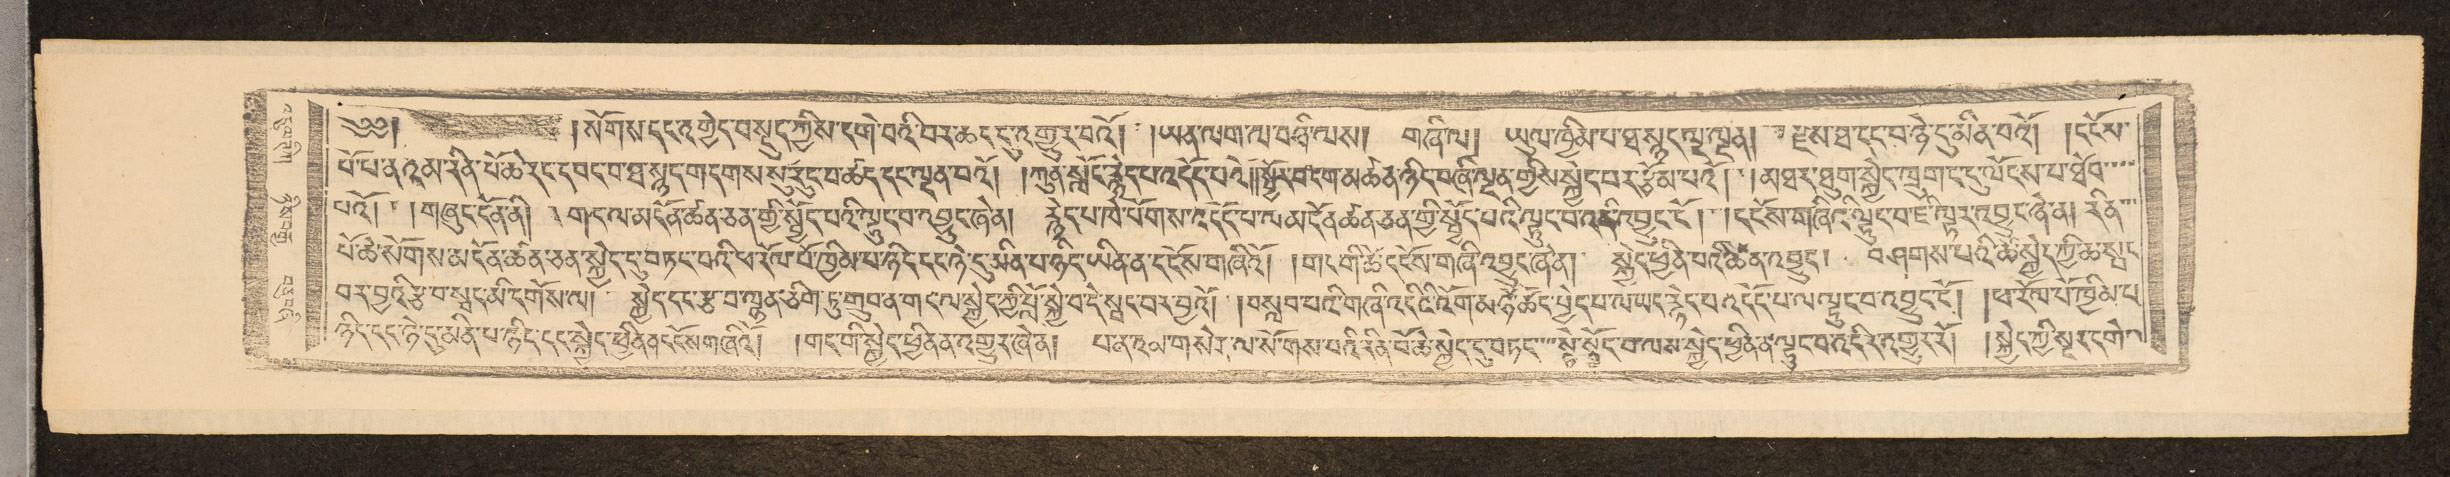༄༅། །སོགས་དང་འགྱེད་བསྡུད་ཀྱིས་དགེ་བའི་བར་ཆད་དུ་འགྱུར་བའོ། །ཡན་ལག་ལ་བཞི་ལས། གཞི་ལ། ཡུལ་ཁྱིམ་པ་ཐ་སྙད་ལྔ་ལྡན། རྫས་ཐ་དད་པ་ཉེ་དུ་མིན་པའོ། །དངོས་
པོ་པ་ནའམ་རིན་པོ་ཆེ་རང་དབང་བ་ཐ་སྙད་གདགས་སུ་རུང་བ་ཚད་དང་ལྡན་པའོ། །ཀུན་སློང་རྙེད་པ་འདོད་པའོ། །སྦྱོར་བ་དག་མཚན་ཉིད་བཞི་ལྡན་གྱིས་སྐྱེད་པར་རྩོམ་པའོ། །མཐར་ཐུག་སྐྱེད་ཁྲུ་གང་དུ་ལོངས་པ་ཐོབ་
པའོ༑ །གཞུང་དོན་ནི། གང་ལ་མངོན་ཚན་ཅན་གྱི་སྤྱོད་པའི་ལྟུང་བ་འབྱུང་ཞེ་ན། རྙེད་པ་ཁེ་བོགས་འདོད་པ་ལ་མདོན་ཚན་ཅན་གྱི་སྤྱོད་པའི་ལྟུད་བ་འདི་འབྱུང་ངོ། །དངོས་གཞིའི་ལྟུང་བ་ཇི་ལྟར་འབྱུང་ཞེ་ན། རིན་
པོ་ཆེ་སོགས་མངོན་ཚན་ཅན་སྐྱེད་དུ་བཏང་བའི་ཕ་རོལ་པོ་ཁྱིམ་པ་ཉིད་དང་ཉེ་དུ་མིན་པ་ཉིད་ཡིན་ན་དངོས་གཞིའོ། །གང་གི་ཚེ་དངོས་གཞི་འབྱུང་ཞེ་ན། སྐྱེད་ཕྱིན་པའི་ཚེ་ན་འབྱུང་། བཤགས་པའི་ཚེ་སྐྱེད་ཀྱི་ཆ་སྤང་
བར་བྱའི་རྩ་བ་སྤང་མི་དགོས་ལ། སྐྱེད་དང་རྩ་བ་ལྷན་ཅིག་ཏུ་གྲུབ་ན་གང་ལ་སྐྱེད་ཀྱི་བློ་སྐྱེབ་དེ་སྤང་བར་བྱའོ། །བསླབ་པའི་གཞི་འདིའི་འོག་མ་ཉོ་ཚོན་བྱེད་པ་ལ་ཡང་རྙེད་པ་འདོད་པ་ལ་ལྟུང་བ་འབྱུང་ངོ། །ཕ་རོལ་པོ་ཁྱིམ་པ་
ཉིད་དང་ཉེ་དུ་མིན་པ་ཉིད་དང་སྐྱེད་ཕྱིན་ན་དངོས་གཞིའོ། །གང་གི་སྐྱེད་ཕྱིན་ན་འགྱུར་ཞེ་ན། པ་ནའམ་གསེར་ལ་སོགས་པའི་རིན་པོ་ཆེ་སྐྱེད་དུ་བཏང་སྟེ་སྤྱོད་པ་ལས་སྐྱེད་ཕྱིན་ན་ལྟུང་བ་འདིར་འགྱུར་རོ། །སྐྱེད་ཀྱི་སྔར་དགེ་